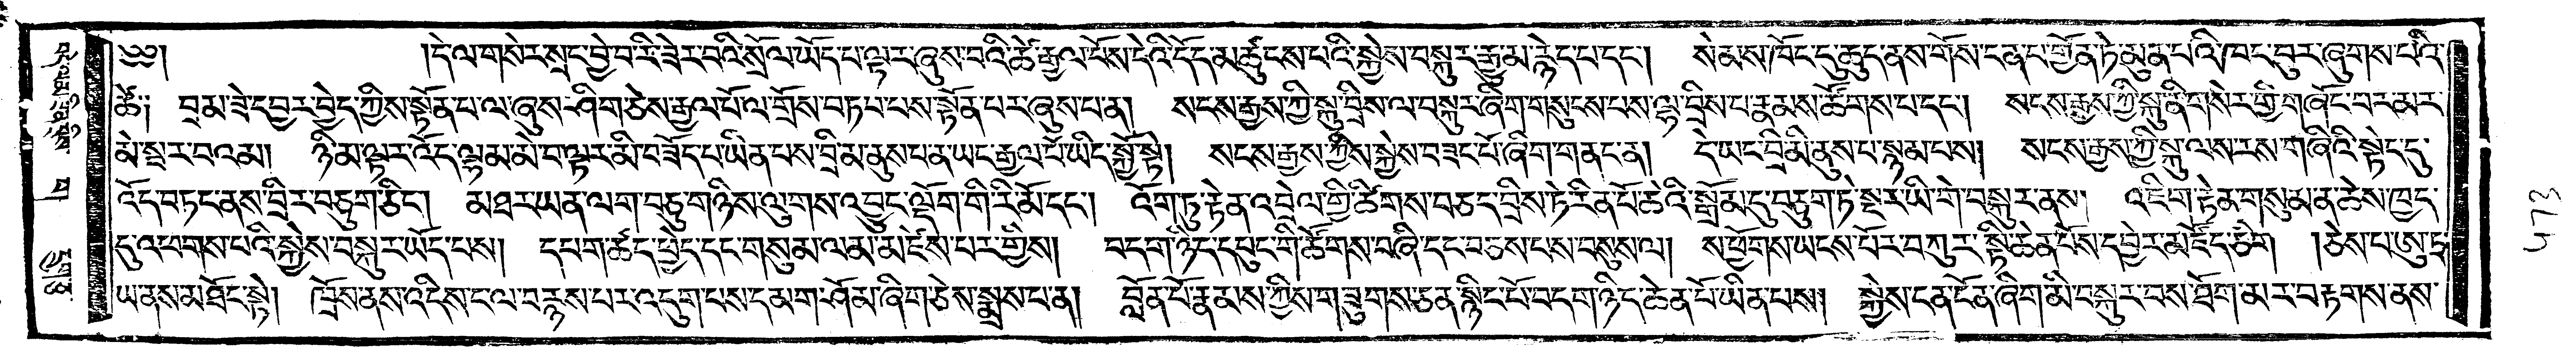༄༅། །དེ་ལེ་གསེར་སྲང་བྱེ་བ་རི་ཟེར་བའི་སྲོལ་ཡོད་པ་ལྟར་ཞུས་པའི་ཚེ་རྒྱལ་པོས་དེའི་དོད་མཚུངས་པའི་སྐྱེས་བསྐུར་རྒྱུ་མ་རྙེད་པ་དང་། སེམས་ཁོང་དུ་ཆུད་ནས་གོས་ངན་པ་གྱོན་ཏེ་མུན་པའི་ཁང་བུར་ཞུགས་པའི་
ཚེ༑ བྲམ་ཟེ་དབྱར་བྱེད་ཀྱིས་སྟོན་བ་ལ་ཞུས་ཤིག་ཅེས་རྒྱལ་པོ་ལ་གྲོས་བཏབ་པས་སྟོན་པར་ཞུས་པ་ན། སངས་རྒྱས་ཀྱི་སྐུ་བྲིས་ལ་བསྐུར་ཞིག་གསུངས་པས་ལྷ་བྲིས་པ་རྣམས་ཚོགས་པ་དང་། སངས་རྒྱས་ཀྱི་སྐུ་ནི་གསེར་གྱི་གཞོང་པར་མར་
མེ་སྦར་བའམ། ཉི་མ་ལྟར་འོད་ལྷམ་མེ་བལྟས་མི་བཟེད་པ་ཡིན་པས་བྲི་མ་ནུས་པ་ན་ཡང་རྒྱལ་པོ་ཡིད་སྐྱོ་སྟེ། སངས་རྒྱས་ཀྱིས་སྐྱེས་བཟང་པོ་ཞིག་གནང་ན། དེ་ཡང་བྲི་མི་ནུས་པ་སྙམ་པས། སངས་རྒྱས་ཀྱི་སྐུ་ལས་རས་གཞིའི་སྟེང་དུ་
འོད་བཏང་ནས་བྲིར་བཅུག་ཅིང་། མཐར་ཡན་ལག་བཅུ་གཉིས་ལུགས་འབྱུང་ལྡོག་གི་རི་མོ་དང་། འོག་ཏུ་རྟེན་འབྲེལ་གྱི་ཚིགས་བཅད་བྲིས་ཏེ་རིན་པོ་ཆེའི་སྒྲོམ་དུ་བཅུག་ཏེ་སྔར་ཡི་གེ་བསྐུར་ནས། འཇིག་རྟེན་གསུམ་ན་ཆེས་ཁྱད་
འདུ་འཕགས་པའི་སྐྱེས་བསྐུར་ཡོད་པས། དཔག་ཚད་ཕྱེད་དང་གསུམ་ལམ་མཛེས་པར་གྱིས། བདག་ཉིད་དཔུང་གི་ཚོགས་བཞི་དང་བཅས་པས་བསུས་ལ། ས་ཕྱོགས་ཡངས་པོར་བཀུར་སྟི་ཆེན་པོས་དབྱེར་མཛོད་ཅིང་།ཅེས་པ་ཨུཏྲ་
ཡ་ནས་མཐོང་སྟེ། ཁྲོས་ནས་འདིས་ང་ལ་བརྙས་པར་འདུག་པས་དམག་ཤོམ་ཞིག་ཅེས་སྨྲས་པ་ན། བློན་པོ་རྣམས་ཀྱིས་གཟུགས་ཅན་སྙིང་པོ་བདག་ཉིད་ཆེན་པོ་ཡིན་པས། སྐྱེས་ངན་ངོན་ཞིག་མི་བསྐུར་བས་ཐོག་མར་བརྟགས་ནས་